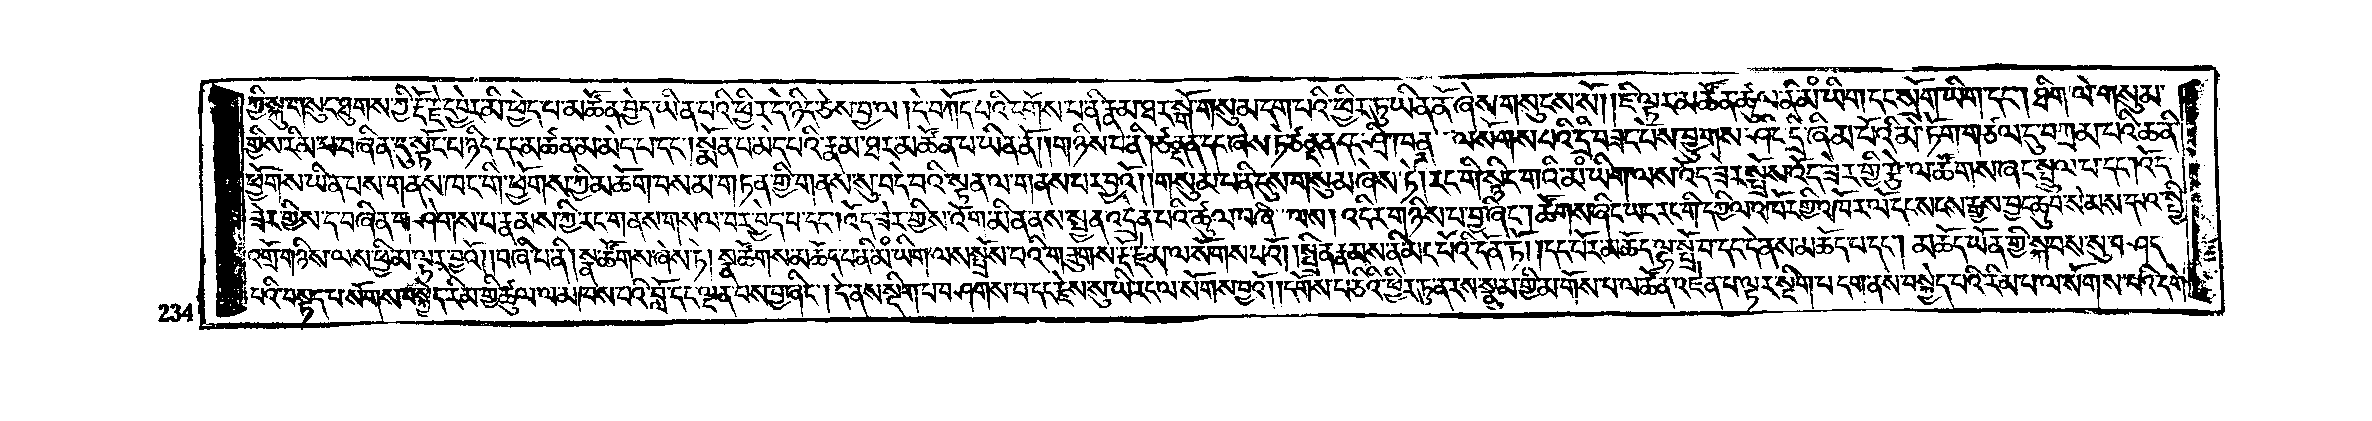ཀྱི་སྐུ་གསུང་ཐུགས་ཀྱི་རྡོ་རྗེ་དབྱེར་མི་ཕྱེད་པ་མཚོན་བྱེད་ཡིན་པའི་ཕྱིར་དེ་ཉིད་ཅེས་བྱ་ལ། དེ་བཀོད་པའི་དགོས་པ་ནི་རྣམ་ཐར་སྒོ་གསུམ་དག་པའི་ཕྱིར་ཏུ་ཡིན་ནོ་ཞེས་གསུངས་སོ། །ཇི་ལྟར་མཚོན་ཚུལ་ནི་མཾ་ཡིག་དང་སྲོག་ཡིག་དང་། ཐིག་ལེ་གསུམ་
གྱིས་རིམ་པ་བཞིན་དུ་སྟོང་པ་ཉིད་དང་མཚན་མ་མེད་པ་དང་། སྨོན་པ་མེད་པའི་རྣམ་ཐར་མཚོན་པ་ཡིན་ནོ། །གཉིས་པ་ནི། ཙནདན་དང་ཞེས་ཏེ་ཙནདན་དང་ཤྲི་ཁནཌ་ལ་སོགས་པའི་དྲི་བཟང་པོས་བྱུགས་ཤིང་དྲི་ཞིམ་པོའི་མེ་ཏོག་གཙལ་དུ་བཀྲམ་པའི་ཆ་ནི་
ཕྱོགས་ཡིན་པས་གནས་ཁང་གི་ཕྱོགས་ཀྱི་མཆོག་བསམ་གཏན་གྱི་གནས་སུ་བདེ་བའི་སྟན་ལ་གནས་པར་བྱའོ། །གསུམ་པ་ནི་དུས་གསུམ་ཞེས་ཏེ། རང་གི་སྙིང་གའི་མཾ་ཡིག་ལས་འོད་ཟེར་སྤྲོས་འོད་ཟེར་གྱི་རྩེ་ལ་ཚོགས་ཞང་སྤྲུལ་པ་དང་། འོད་
ཟེར་གྱིས་དེ་བཞིན་གཤེགས་པ་རྣམས་ཀྱི་རང་གནས་གསལ་བར་བྱེད་པ་དང་། འོད་ཟེར་གྱིས་འོག་མིན་ནས་སྤྱན་འདྲེན་པའི་ཚུལ་བཞི་ལས། འདིར་གཉིས་པ་བྱ་ཞིང་། ཚོགས་ཞིང་ཡང་རང་གི་དཀྱིལ་འཁོར་གྱི་འཁོར་ལོ་དང་སངས་རྒྱས་བྱང་ཆུབ་སེམས་དཔའ་སྤྱི་
འགྲོ་གཉིས་ལས་ཕྱི་མ་ལྟར་བྱའོ། །བཞི་པ་ནི། སྣ་ཚོགས་ཞེས་ཏེ། སྣ་ཚོགས་མཆོད་པ་ནི་མཾ་ཡིག་ལས་སྤྲོས་པའི་གཟུགས་རྡོ་རྗེ་མ་ལ་སོགས་པའོ། །སྤྲིན་རྣམས་ནི་མང་པོའི་དོན་ཏོ། །དང་པོར་མཆོད་ལྷ་སྤྲོ་བ་དང་དེ་ནས་མཆོད་པ་དང་། མཆོད་ཡོན་གྱི་སྐབས་སུ་བཤད་
པའི་བསྟད་པ་སོགས་བསྐྱེད་རིམ་གྱི་ཚུལ་ལ་མཁས་པའི་བློ་དང་ལྡན་པས་བྱ་ཞིང་། དེ་ནས་སྡིག་པ་བཤགས་པ་དང་རྗེས་སུ་ཡི་རང་ལ་སོགས་བྱའོ། །དགོས་པ་ཅིའི་ཕྱིར་ཏུ་ན་རས་སྣུམ་གྱི་མ་གོས་པ་ལ་ཚོན་འཇེན་པ་ལྟར་སྡིག་པ་དག་ནས་བསྐྱེད་པའི་རིམ་པ་ལ་སོགས་པའི་དགེ་